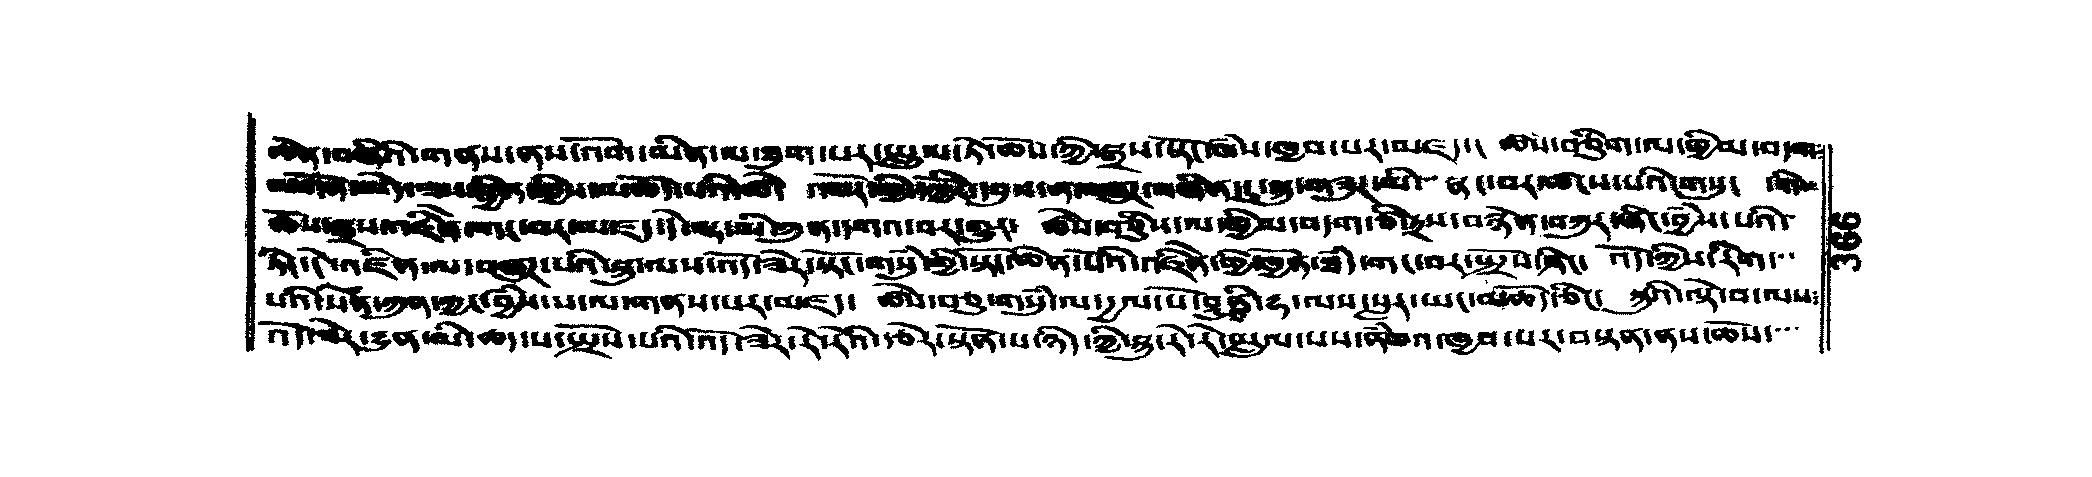ཆེན་བཞིའི་གནས་ནས་འོག་མིན་ལ་ཐུག་པར་སྤྲུལ་ཏེ་ཆོས་ཀྱི་སྒྲས་སྟོང་ཁམས་ཁྱབ་པར་མཛད། ཚེས་བཅུ་གཅིག་ལ་ཁྱིམ་བདག་
མགོན་མེད་ཟས་སྦྱིན་གྱིས་མཆོད་པའི་ཚེ། འཁོར་གྱི་དཀྱིལ་འཁོར་དབུས་ན་བཞུགས་བཞིན་དུ་སྐུ་གཟུགས་མི་སྣང་བར་ཚངས་པའི་གསུང་གི་
ཆོས་སྒྲས་འཇིག་རྟེན་གང་བར་མཛད་དེ་ལྷ་མི་ཀུན་དགའ་བར་གྱུར། ཚེས་བཅུ་གཉིས་ལ་ཁྱིམ་བདག་ཙི་ཏྲས་བསྙེན་བཀུར་ཞིང་བྱམས་པའི་
ཏིང་ངེ་འཛིན་ལ་བཞུགས་པའི་སྐུ་ལས་འོད་ཟེར་སྟོང་གསུམ་གྱི་སྟོང་ཆེན་པོའི་འཇིག་རྟེན་གྱི་ཁྱོན་ཐམས་ཅད་གང་བར་སྤྲོས་ཤིང་། འོད་ཀྱིས་རིག་
པའི་སེམས་ཅན་ཀུན་ཀྱང་བྱམས་པ་ལ་གནས་པར་མཛད། ཚེས་བཅུ་གསུམ་ལ་རྒྱལ་པོ་ཤུནྩྀ་དྷ་ལས་སླར་ཡང་མཆོད་ཅིང་། སྐུའི་ལྟེ་བ་ལས་
འོད་ཟེར་རྒྱུན་མི་ཆད་པ་སྤྲོད་པའི་འོད་ཟེར་རེ་རེའི་རྩེར་སྟོན་པ་ཉིད་ཀྱི་སྐུ་རེ་རེ་སྤྲུལ་པས་ནམ་མཁའ་ཁྱབ་པར་བསྟན་ནས་ཆོས་